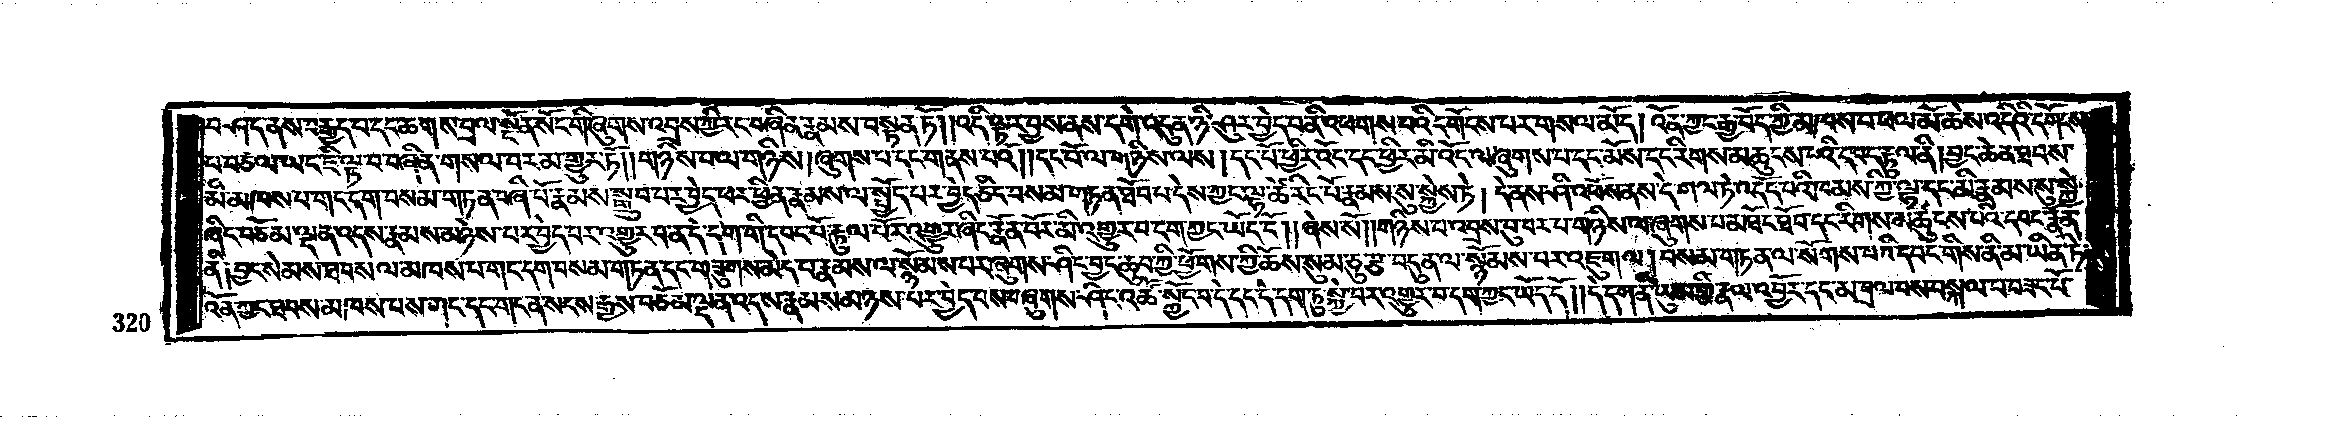བཤད་ནས་བརྒྱད་པ་དང་ཆགས་བྲལ་སྔོན་སོང་གི་ཞུགས་འབྲས་ཀྱི་རང་བཞིན་རྣམས་བསྟན་ཏོ། །འདི་ལྟར་བྱས་ནས་དགེ་འདུན་ཉི་ཤུར་བྱེད་པ་ནི་འཕགས་པའི་དགོངས་པར་གསལ་མོད། འོན་ཀྱང་རྒྱ་བོད་ཀྱི་མཁས་པ་ཕལ་མོ་ཆེས་འདིའི་དགོངས་
པ་བཙལ་ཡང་ཇི་ལྟ་བ་བཞིན་གསལ་བར་མ་གྱུར་ཏོ། །གཉིས་པ་ལ་གཉིས། ཞུགས་པ་དང་གནས་པའོ། །དང་པོ་ལ་གཉིས་ལས། དང་པོ་ཕྱིར་འོང་དང་ཕྱིར་མི་འོང་ལ་ཞུགས་པ་དང་མོས་དང་རིགས་མཚུངས་པའི་དབང་རྟུལ་ནི། བྱང་ཆེན་ཐབས་
མི་མཁས་པ་གང་དག་བསམ་གཏན་བཞི་པོ་རྣམས་སྒྲུབ་པར་བྱེད་ཕར་ཕྱིན་རྣམས་ལ་སྤྱོད་པར་བྱེད་ཅིང་བསམ་གཏན་ཐོབ་པ་དེས་ཀྱང་ལྷ་ཚེ་རིང་པོ་རྣམས་སུ་སྐྱེས་ཏེ། དེ་ནས་ཤི་འཕོས་ནས་དེ་གལ་ཏེ་འདོད་པའི་ཁམས་ཀྱི་ལྷ་དང་མི་རྣམས་སུ་སྐྱེ་
ཞིང་བཅོམ་ལྡན་འདས་རྣམས་མཉེས་པར་བྱེད་པར་འགྱུར་པ་ན་དེ་དག་གི་དབང་པོ་རྟུལ་པོར་འགྱུར་ཞིང་རྣོན་པོར་མི་འགྱུར་བ་དག་ཀྱང་ཡོད་དོ། །ཞེས་སོ། །གཉིས་པ་འབྲས་བུ་བར་པ་གཉིས་ལ་ཞུགས་པ་མཐོང་ཐོབ་དང་རིགས་མཚུངས་པའི་དབང་རྣོན་
ནི། བྱང་སེམས་ཐབས་ལ་མཁས་པ་གང་དག་བསམ་གཏན་དང་གཟུགས་མེད་པ་རྣམས་ལ་སྙོམས་པར་ཞུགས་ཤིང་བྱང་ཆུབ་ཀྱི་ཕྱོགས་ཀྱི་ཆོས་སུམ་ཅུ་རྩ་བདུན་ལ་སྙོམས་པར་འཇུག་ལ། བསམ་གཏན་ལ་སོགས་པའི་དབང་གིས་ནི་མ་ཡིན་ཏེ།
འོན་ཀྱང་ཐབས་མཁས་པས་གང་དང་གང་ན་སངས་རྒྱས་བཅོམ་ལྡན་འདས་རྣམས་མཉས་པར་བྱེད་པས་བཞུགས་ཤིང་འཚོ་སྐྱོང་བ་དེ་དག་དེ་དག་ཏུ་སྐྱེ་བར་འགྱུར་བ་དག་ཀྱང་ཡོད་དོ། །དེ་དག་ནི་ཡུམ་གྱི་རྣལ་འབྱོར་དང་མ་བྲལ་བས་བསྐལ་པ་བཟང་པོ་